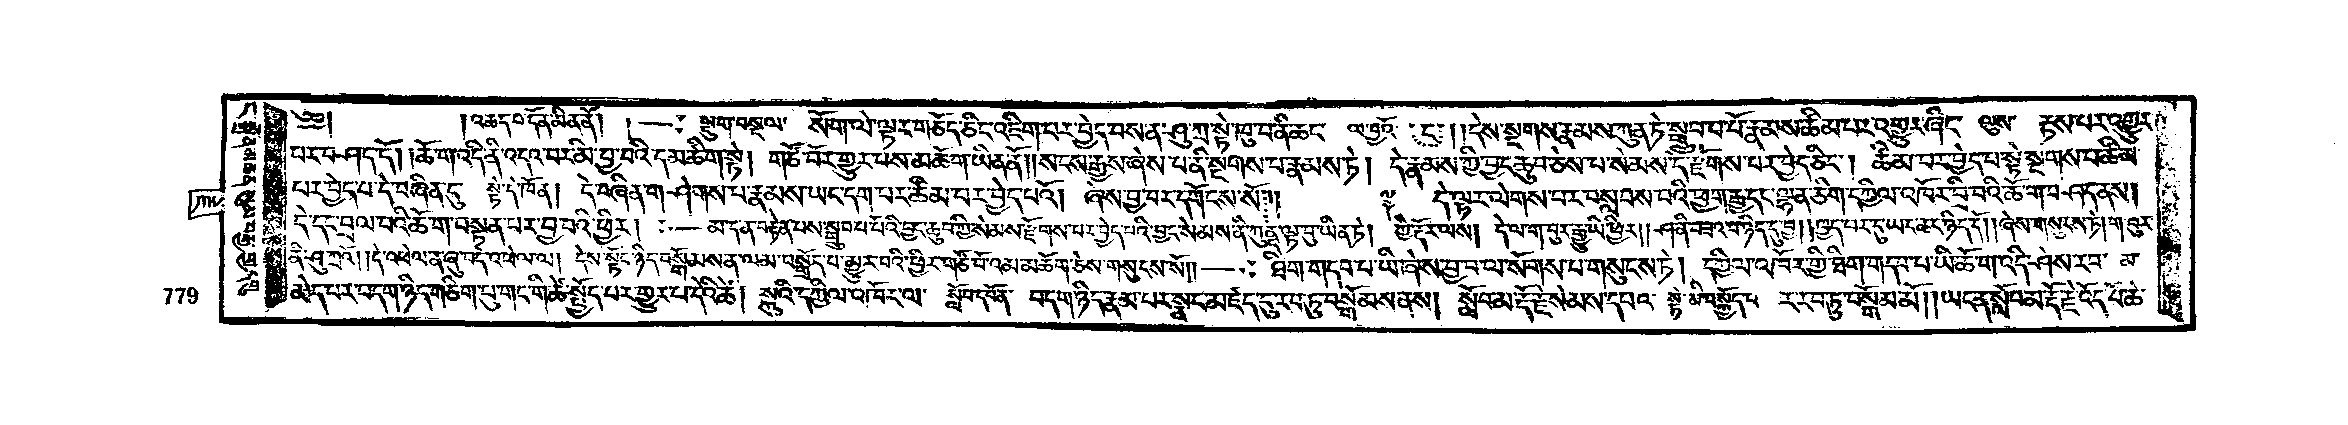༄༅། །འཆད་པ་དོན་མིན་ནོ། །.H སྡུག་བསྔལ་སོག་ལེ་ལྟར་གཅོད་ཅིང་འཇིག་པར་བྱེད་པས་ན་ཤུ་ཀྲ་སྟེ་ཁུ་པ་ནི་ཆང་ལ་བྱའོ་ངོ། །དེས་སྔགས་རྣམས་ཀུན་ཏེ་སྒྲུབ་པ་པོ་རྣམས་ཀུན་ཏེ་སྒྲུབ་པ་པོ་རྣམས་ཚིམ་པར་འགྱུར་ཞིང་ལུས་རྟས་པར་འགྱུར་
པར་བཤད་དོ། །ཆོ་ག་འདི་ནི་འདའ་བར་མི་བྱ་པའི་དམ་ཚིག་སྟེ། གཙོ་བོར་གྱུར་པས་མཆོག་ཡིན་ནོ། །སངས་རྒྱས་ཞེས་པ་ནི་སྔགས་པ་རྣམས་ཏེ། དེ་རྣམས་ཀྱི་བྱང་ཆུབ་ཅེས་པ་སེམས་དེ་རྫོགས་པར་བྱེད་ཅིང་། ཚིམ་པར་བྱེད་པ་སྟེ་སྔགས་པ་ཚིམ་
པར་བྱེད་པ་དེ་བཞིན་དུ་སྟེ་དེ་ཁོ་ན། དེ་བཞིན་གཤེགས་པ་རྣམས་ཡང་དག་པར་ཚིམ་པར་བྱེད་པའོ། ཞེས་བྱ་བར་དགོངས་སོ།། ༈ དེ་ལྟར་ལེགས་པར་བསླབས་པའི་ཕྱག་རྒྱ་དང་ལྷན་ཅིག་དཀྱིལ་འཁོར་བྲི་བའི་ཆོ་ག་བཤད་ནས།
དེ་དང་བྲལ་བའི་ཆོ་ག་བསྟན་པར་བྱ་བའི་ཕྱིར། H.་མ་ད་ན་བརྟེན་པས་སྒྲུབ་པ་པོའི་བྱང་ཆུབ་ཀྱི་སེམས་རྫོགས་པར་བྱེད་པའི་བྱང་སེམས་ནི་ཀུནྡ་ལྟ་བུ་ཡིན་ཏེ། ཀྱཻ་རྡོར་ལས། དེ་ལ་ག་བུར་རྒྱུ་ཡི་ཕྱིར། །ཤ་ནི་བཟའ་བ་ཉིད་དུ་བྱ། །ཁྱད་པར་དུ་ཡང་ཆང་ཉིད་དོ། །ཞེས་གསུངས་ཏེ། ག་བུར་
ནི་ཤུ་ཀྲའོ། །དེ་འཕེལ་ན་ཞུ་བདེ་འཕེལ་ལོ། །དེ་སྟོང་ཉིད་བསྒོམ་ན་ལམ་བསྒྲོད་པ་མྱུར་བའི་ཕྱིར་གཙོ་བོ་འམ་མཆོག་ཅེས་གསུངས་སོ།། .H ཐིག་གདབ་པ་ཡི་ཞེས་བྱ་བ་ལ་སོགས་པ་གསུངས་ཏེ། དཀྱིལ་འཁོར་གྱི་ཐིག་གདབ་པ་ཡི་ཆོ་ག་འདི་ཤེས་རབ་མ
མེད་པར་བདག་ཉིད་གཅིག་པུ་གང་གི་ཚེ་སྤྱོད་པར་གྱུར་པ་དེའི་ཚེ། སྐུའི་དཀྱིལ་འཁོར་ལ་སློབ་དཔོན་བདག་ཉིད་རྣམ་པར་སྣང་མཛད་དུ་རབ་ཏུ་བསྒོམས་ནས། སློབ་མ་རྡོ་རྗེ་སེམས་དཔ་སྟེ་མི་བསྐྱོད་པ་ར་རབ་ཏུ་བསྒོམ་མོ། །ཡང་ན་སློབ་མ་རྡོ་རྗེ་འོད་པོ་ཆེ་